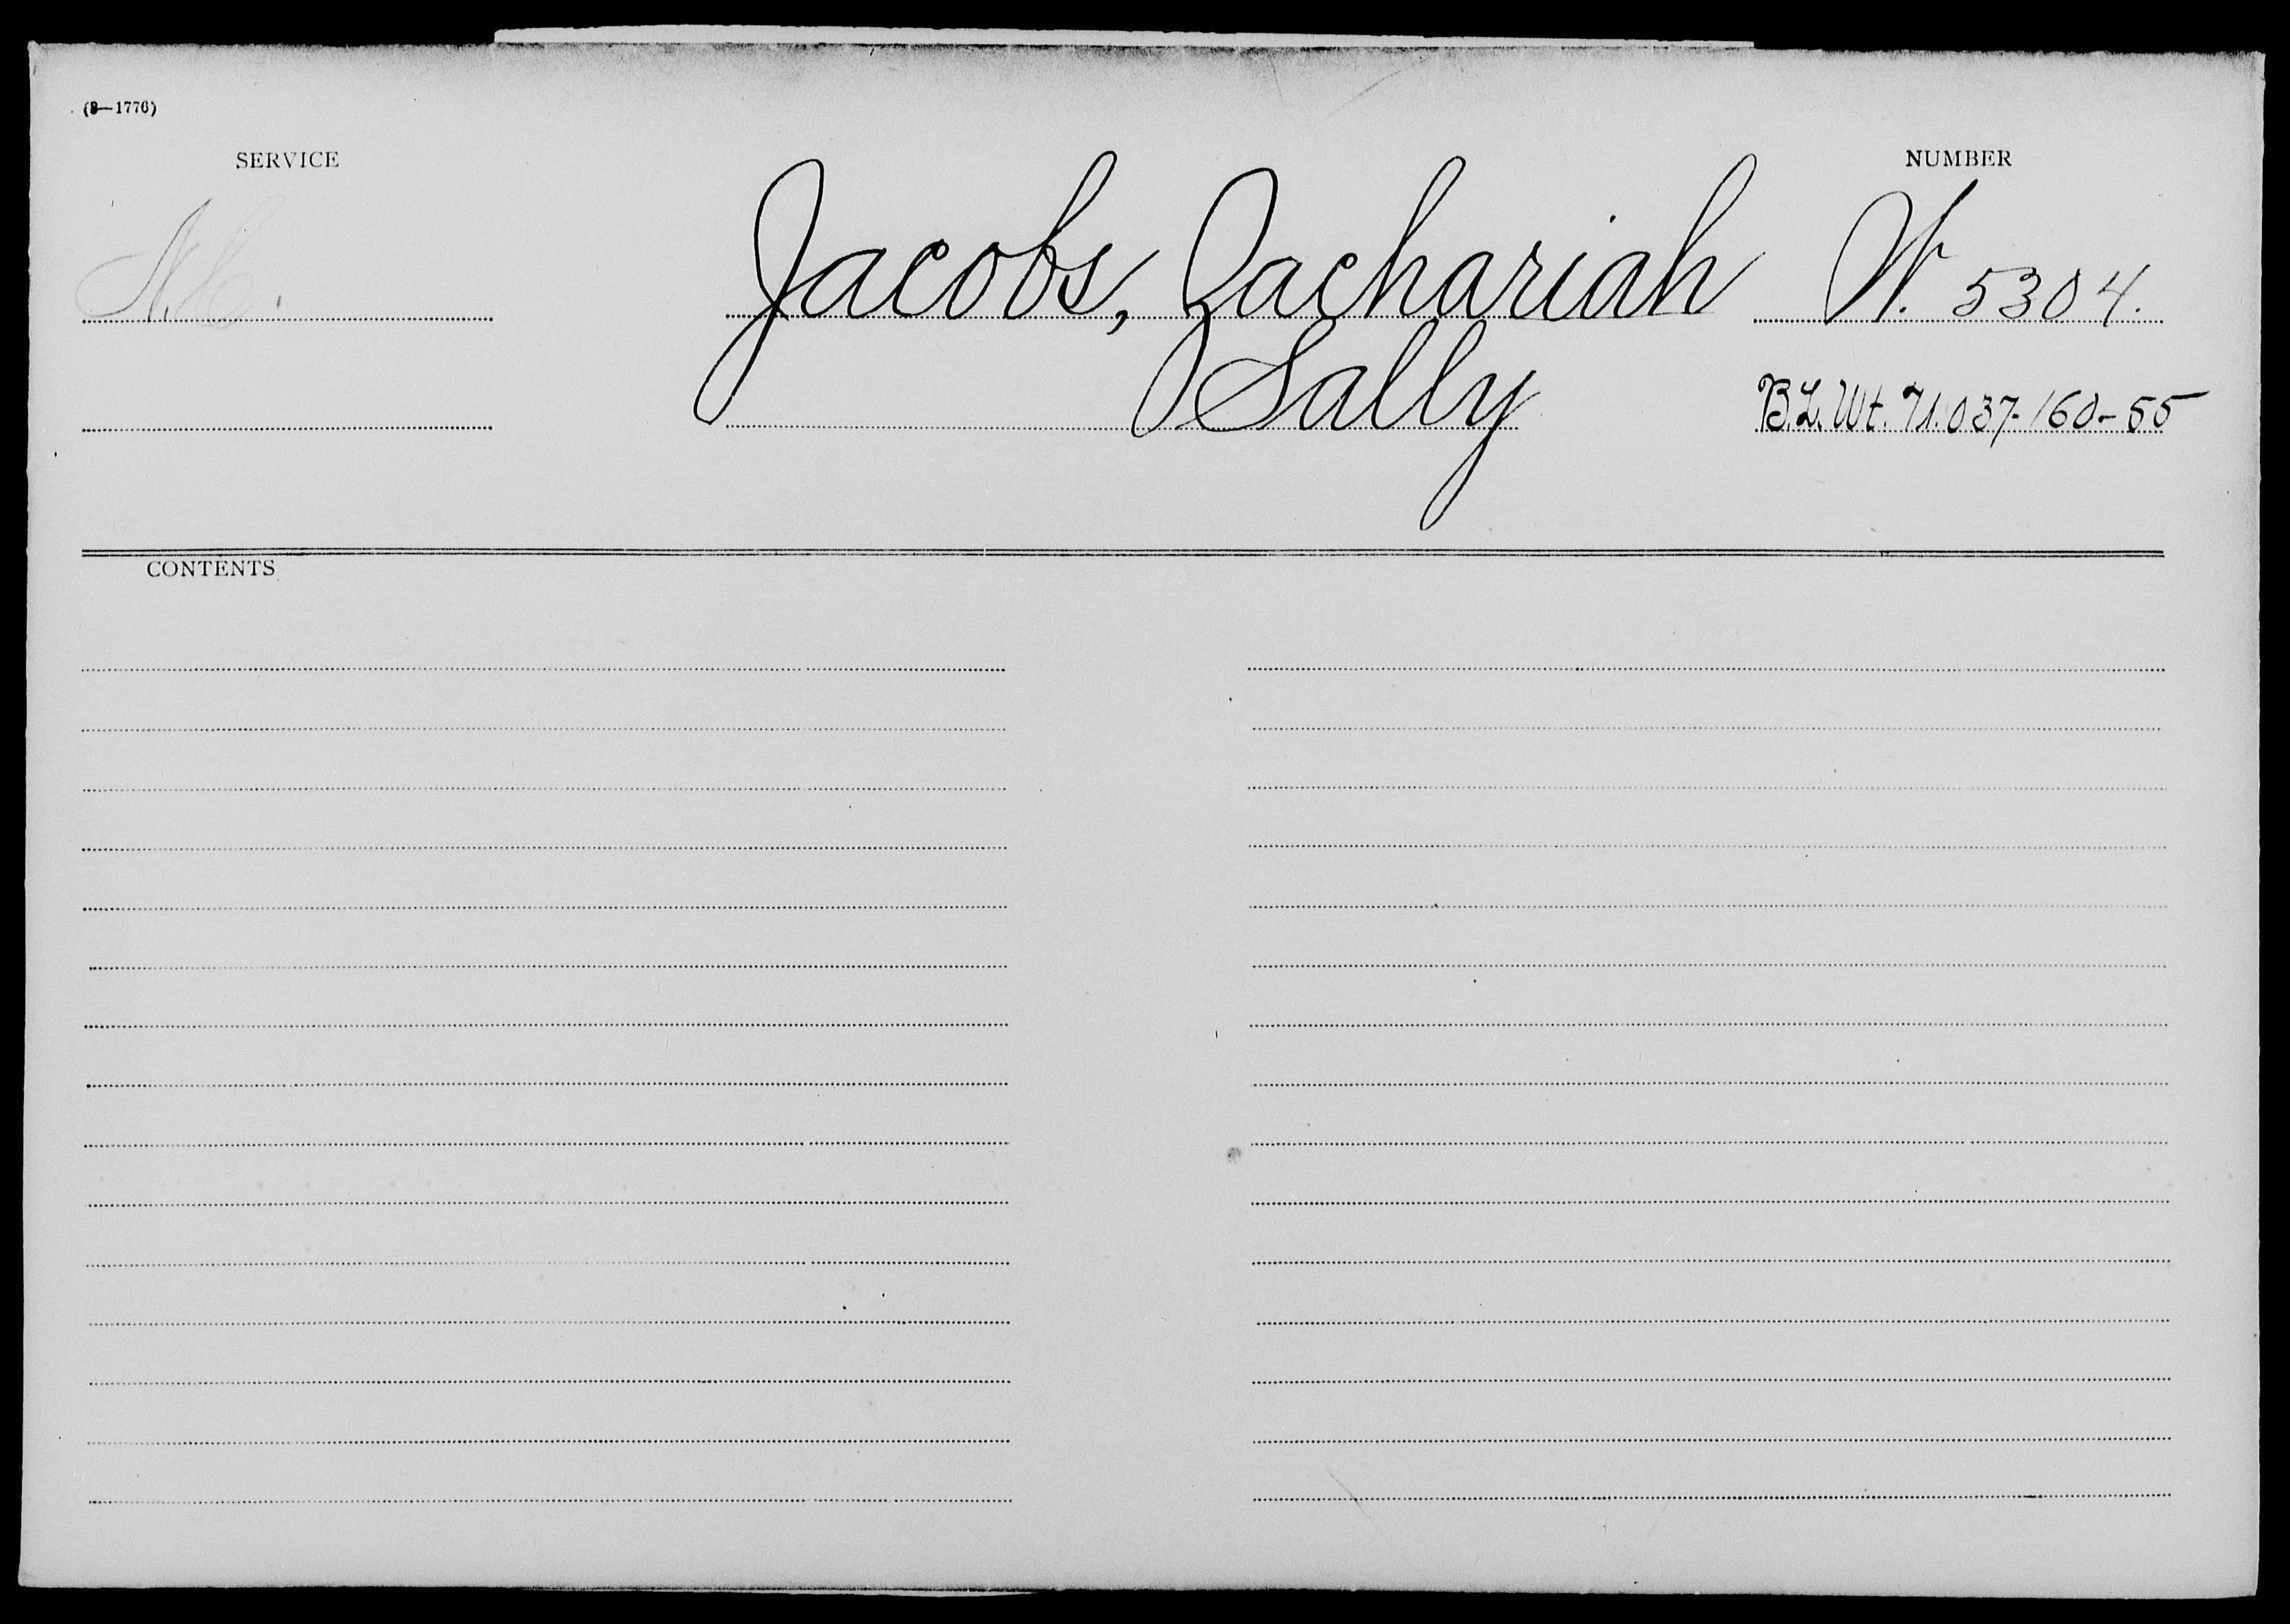([Illegible] - 1776)
SERVICE | NUMBER

Jacobs, Zachariah W. 5304. 
| Sally | B.L.Wt. 71.037-160-55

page: 1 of 40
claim: widow's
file: W. 5304, for Zachariah Jacobs, North Carolina